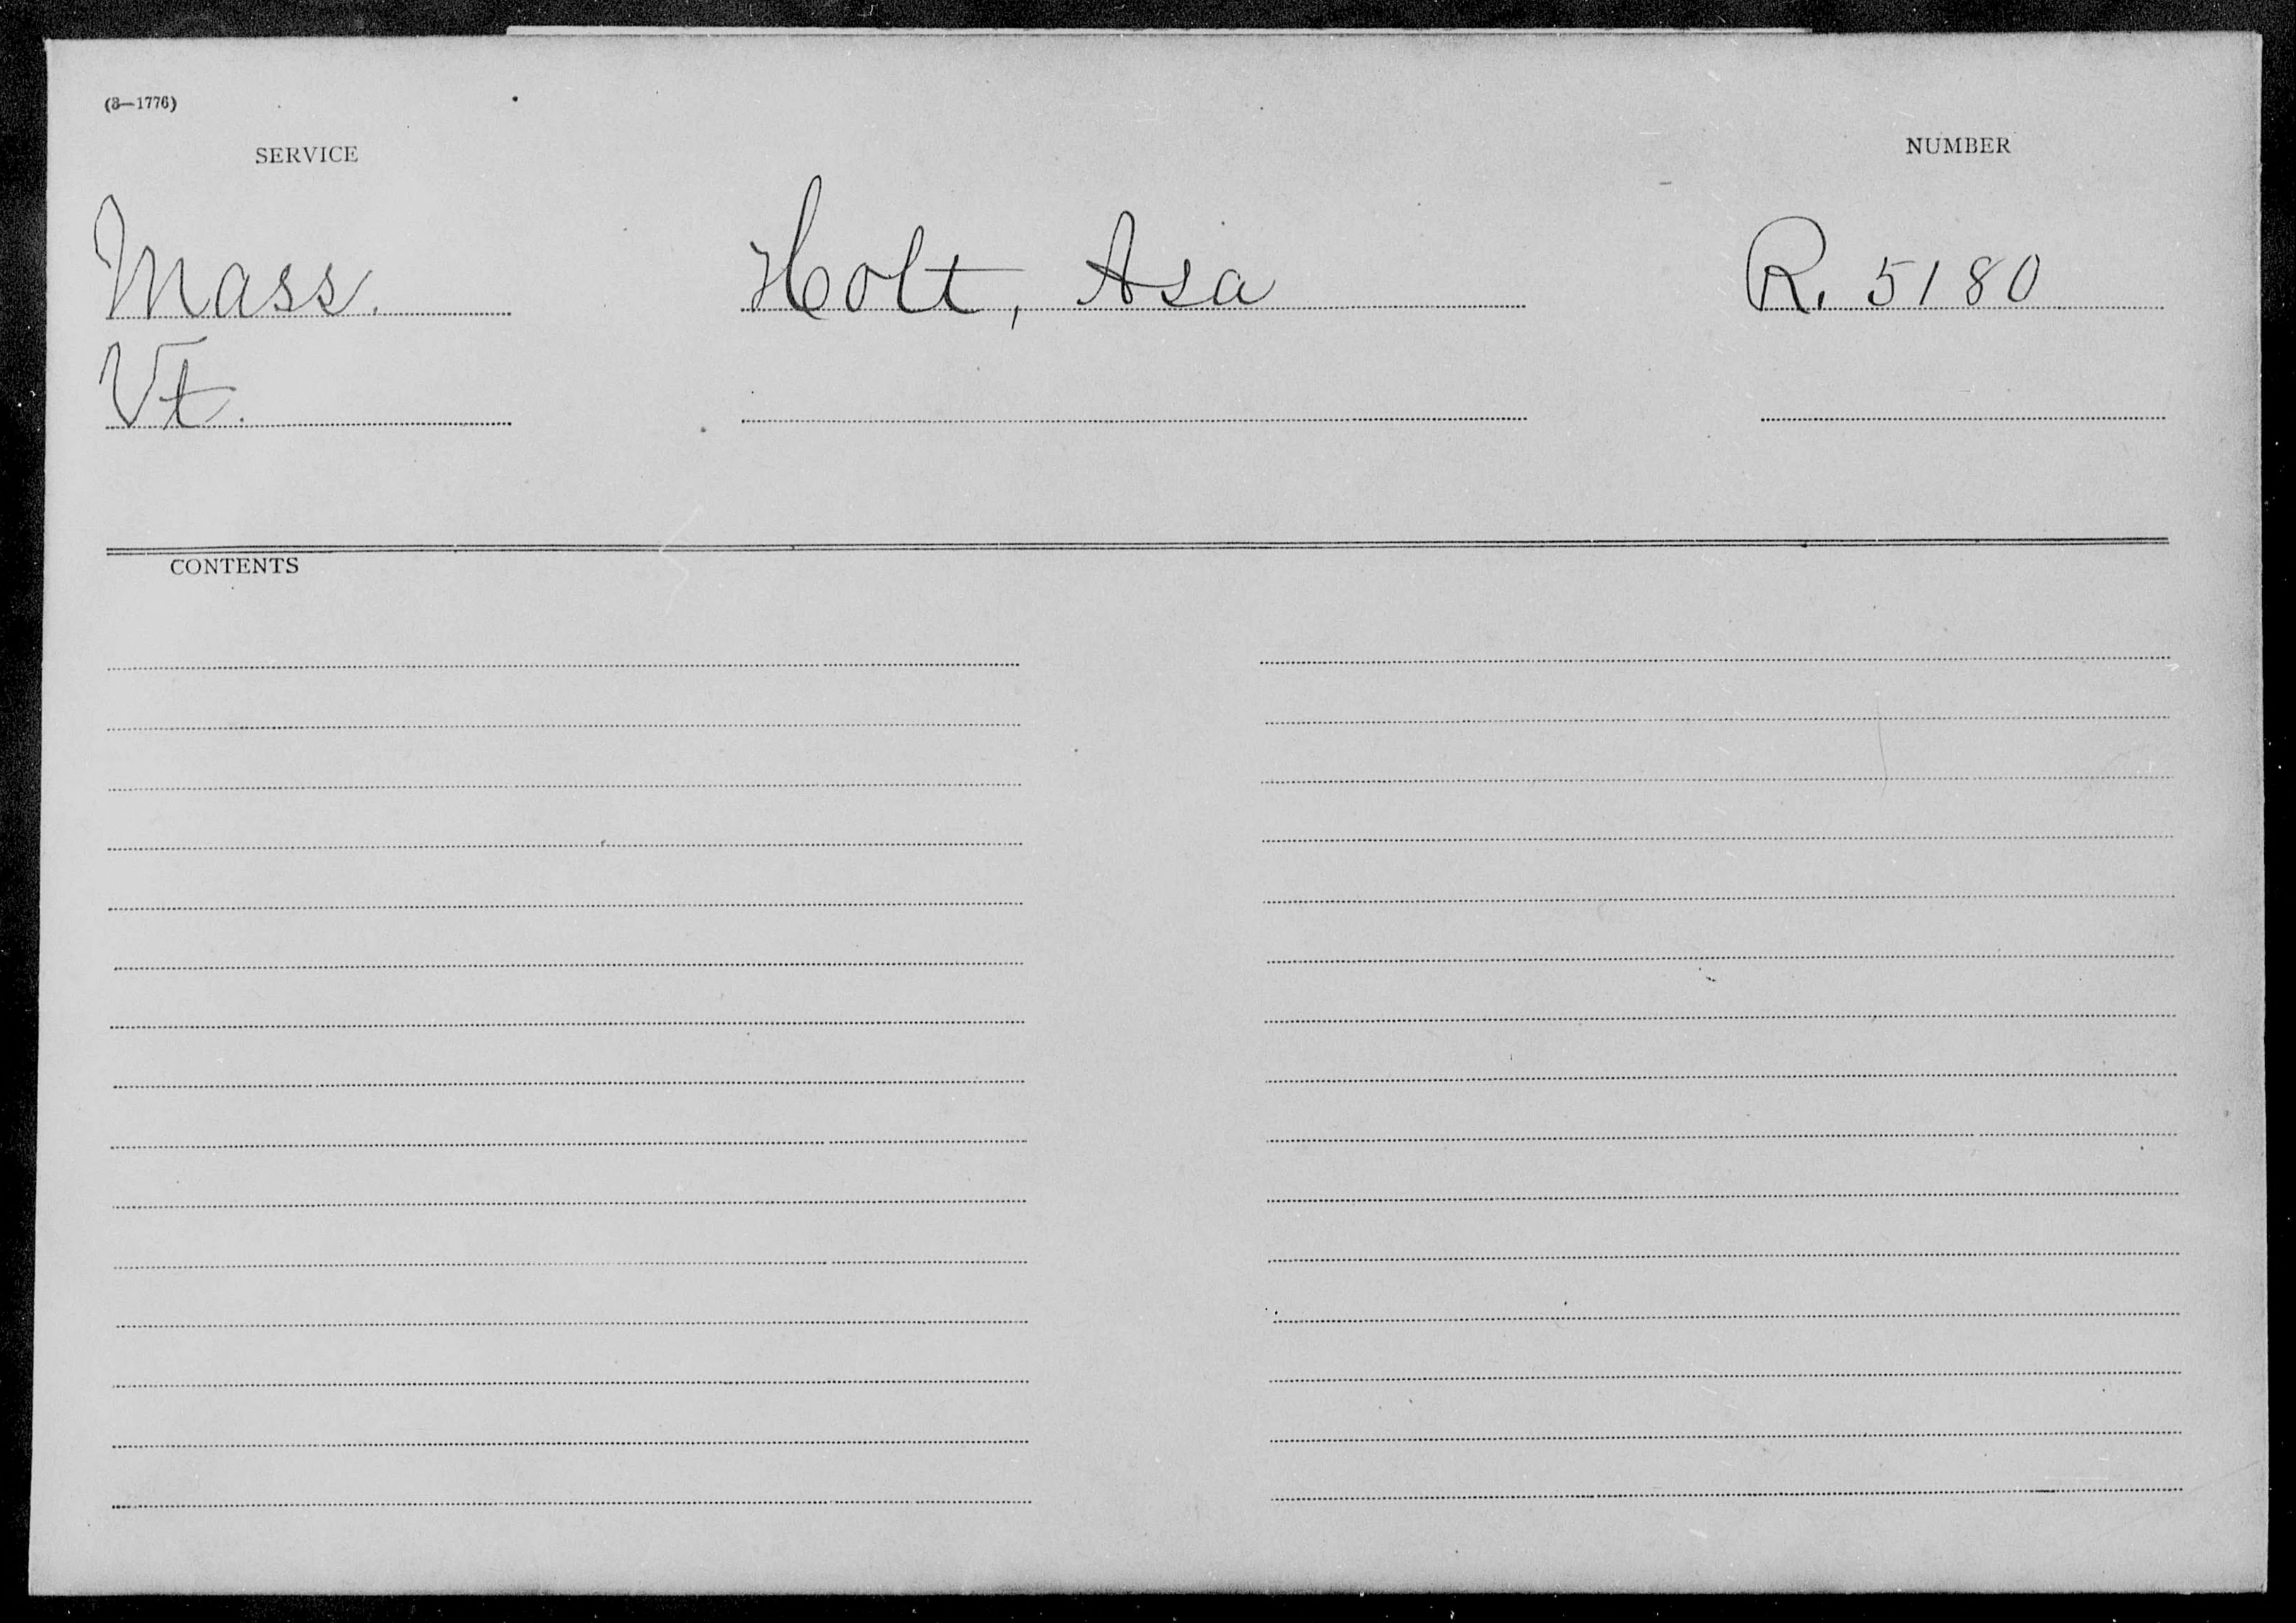(3-1776)

SERVICE
Mass. 
VT.

Holt, Asa

NUMBER
R. 5180

CONTENTS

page: 1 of 24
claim: rejected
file: R. 5180, Asa Holt, Mass. Vt.